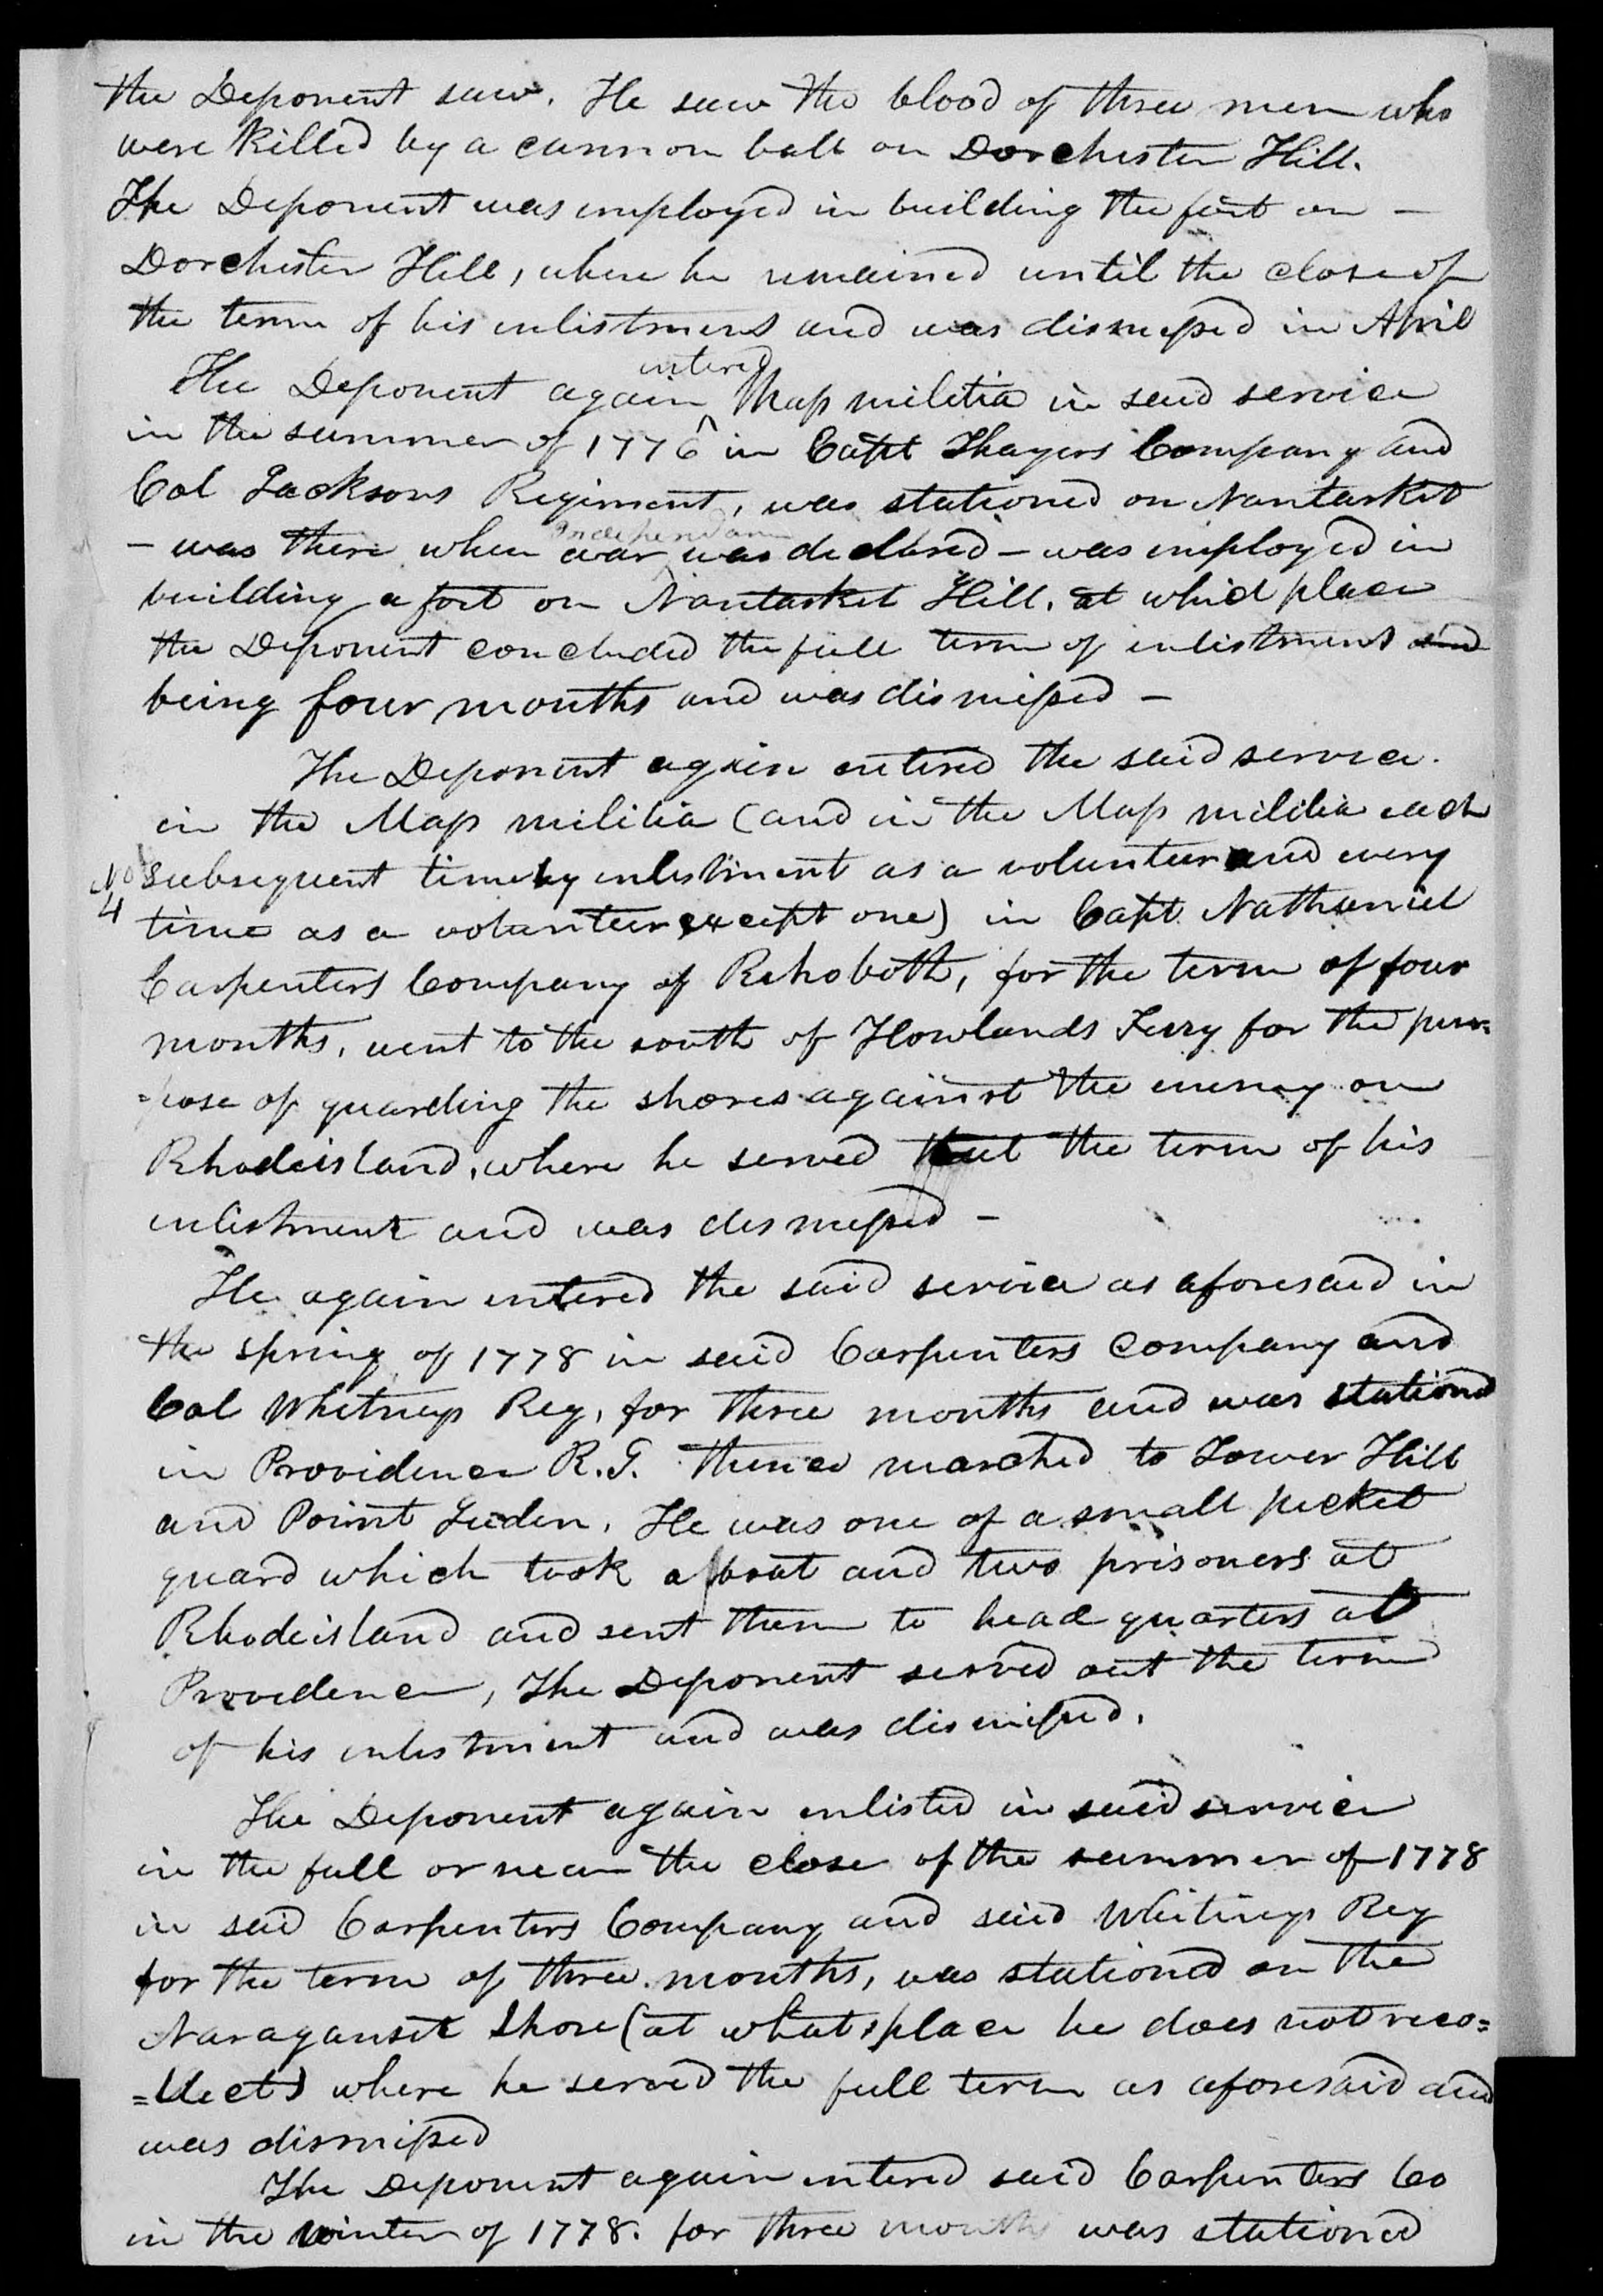the Deponent saw. He saw the blood of three men who were killed by a cannon ball on Dorchester Hill. The Deponent was employed in building the fort on Dorchester Hill, where he remained until the close of the term of his enlistment and was dismissed in April
The Deponent again entered Mass militia in said service in the summer of 1776 in Capt Thayers Company and Col Jacksons Regiment, was stationed on Nantucket - was there when war Independance was declared - was employed in building a fort on Nantucket Hill, at which place the Deponent concluded the full term of enlistment [crossed out: and] being four months and was dismissed.
The Deponent again entered the said service in the Mass militia (and in the Mass militia each  No 4  subsequent time by enlistment as a volunteer and every time as a volunteer except one) in Capt. Nathaniel Carpenters Company of Rehoboth, for the term of four months, went to the south of Howlands Ferry for the purpose of guarding the shores against the enemy on Rhodeisland, where he served that the term of his enlistment and was dismissed.
He again entered the said service as aforesaid in the spring of 1778 in said Carpenters company and Col Whitneys Reg, for three months and was stationed in Providence R.I. thence marched to Tower Hill and Point Lieden. He was one of a small picket guard which took about and two prisoners at Rhodeisland and sent them to head quarters at Providence, the Deponent served out the term of his enlistment and was dismissed.
The Deponent again enlisted in said service in the fall or near the close of the summer of 1778 in said Carpenters Company and said Whitneys Reg for the term of three months, was stationed on the Naraganset Shore (at what place he does not recollect) where he served the full term as aforesaid and was dismissed
The Deponent again entered said Carpenters Co in the winter of 1778 for three months was stationed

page: 4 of 49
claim: widow's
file: W. 2164, for George Porter, Massachusetts